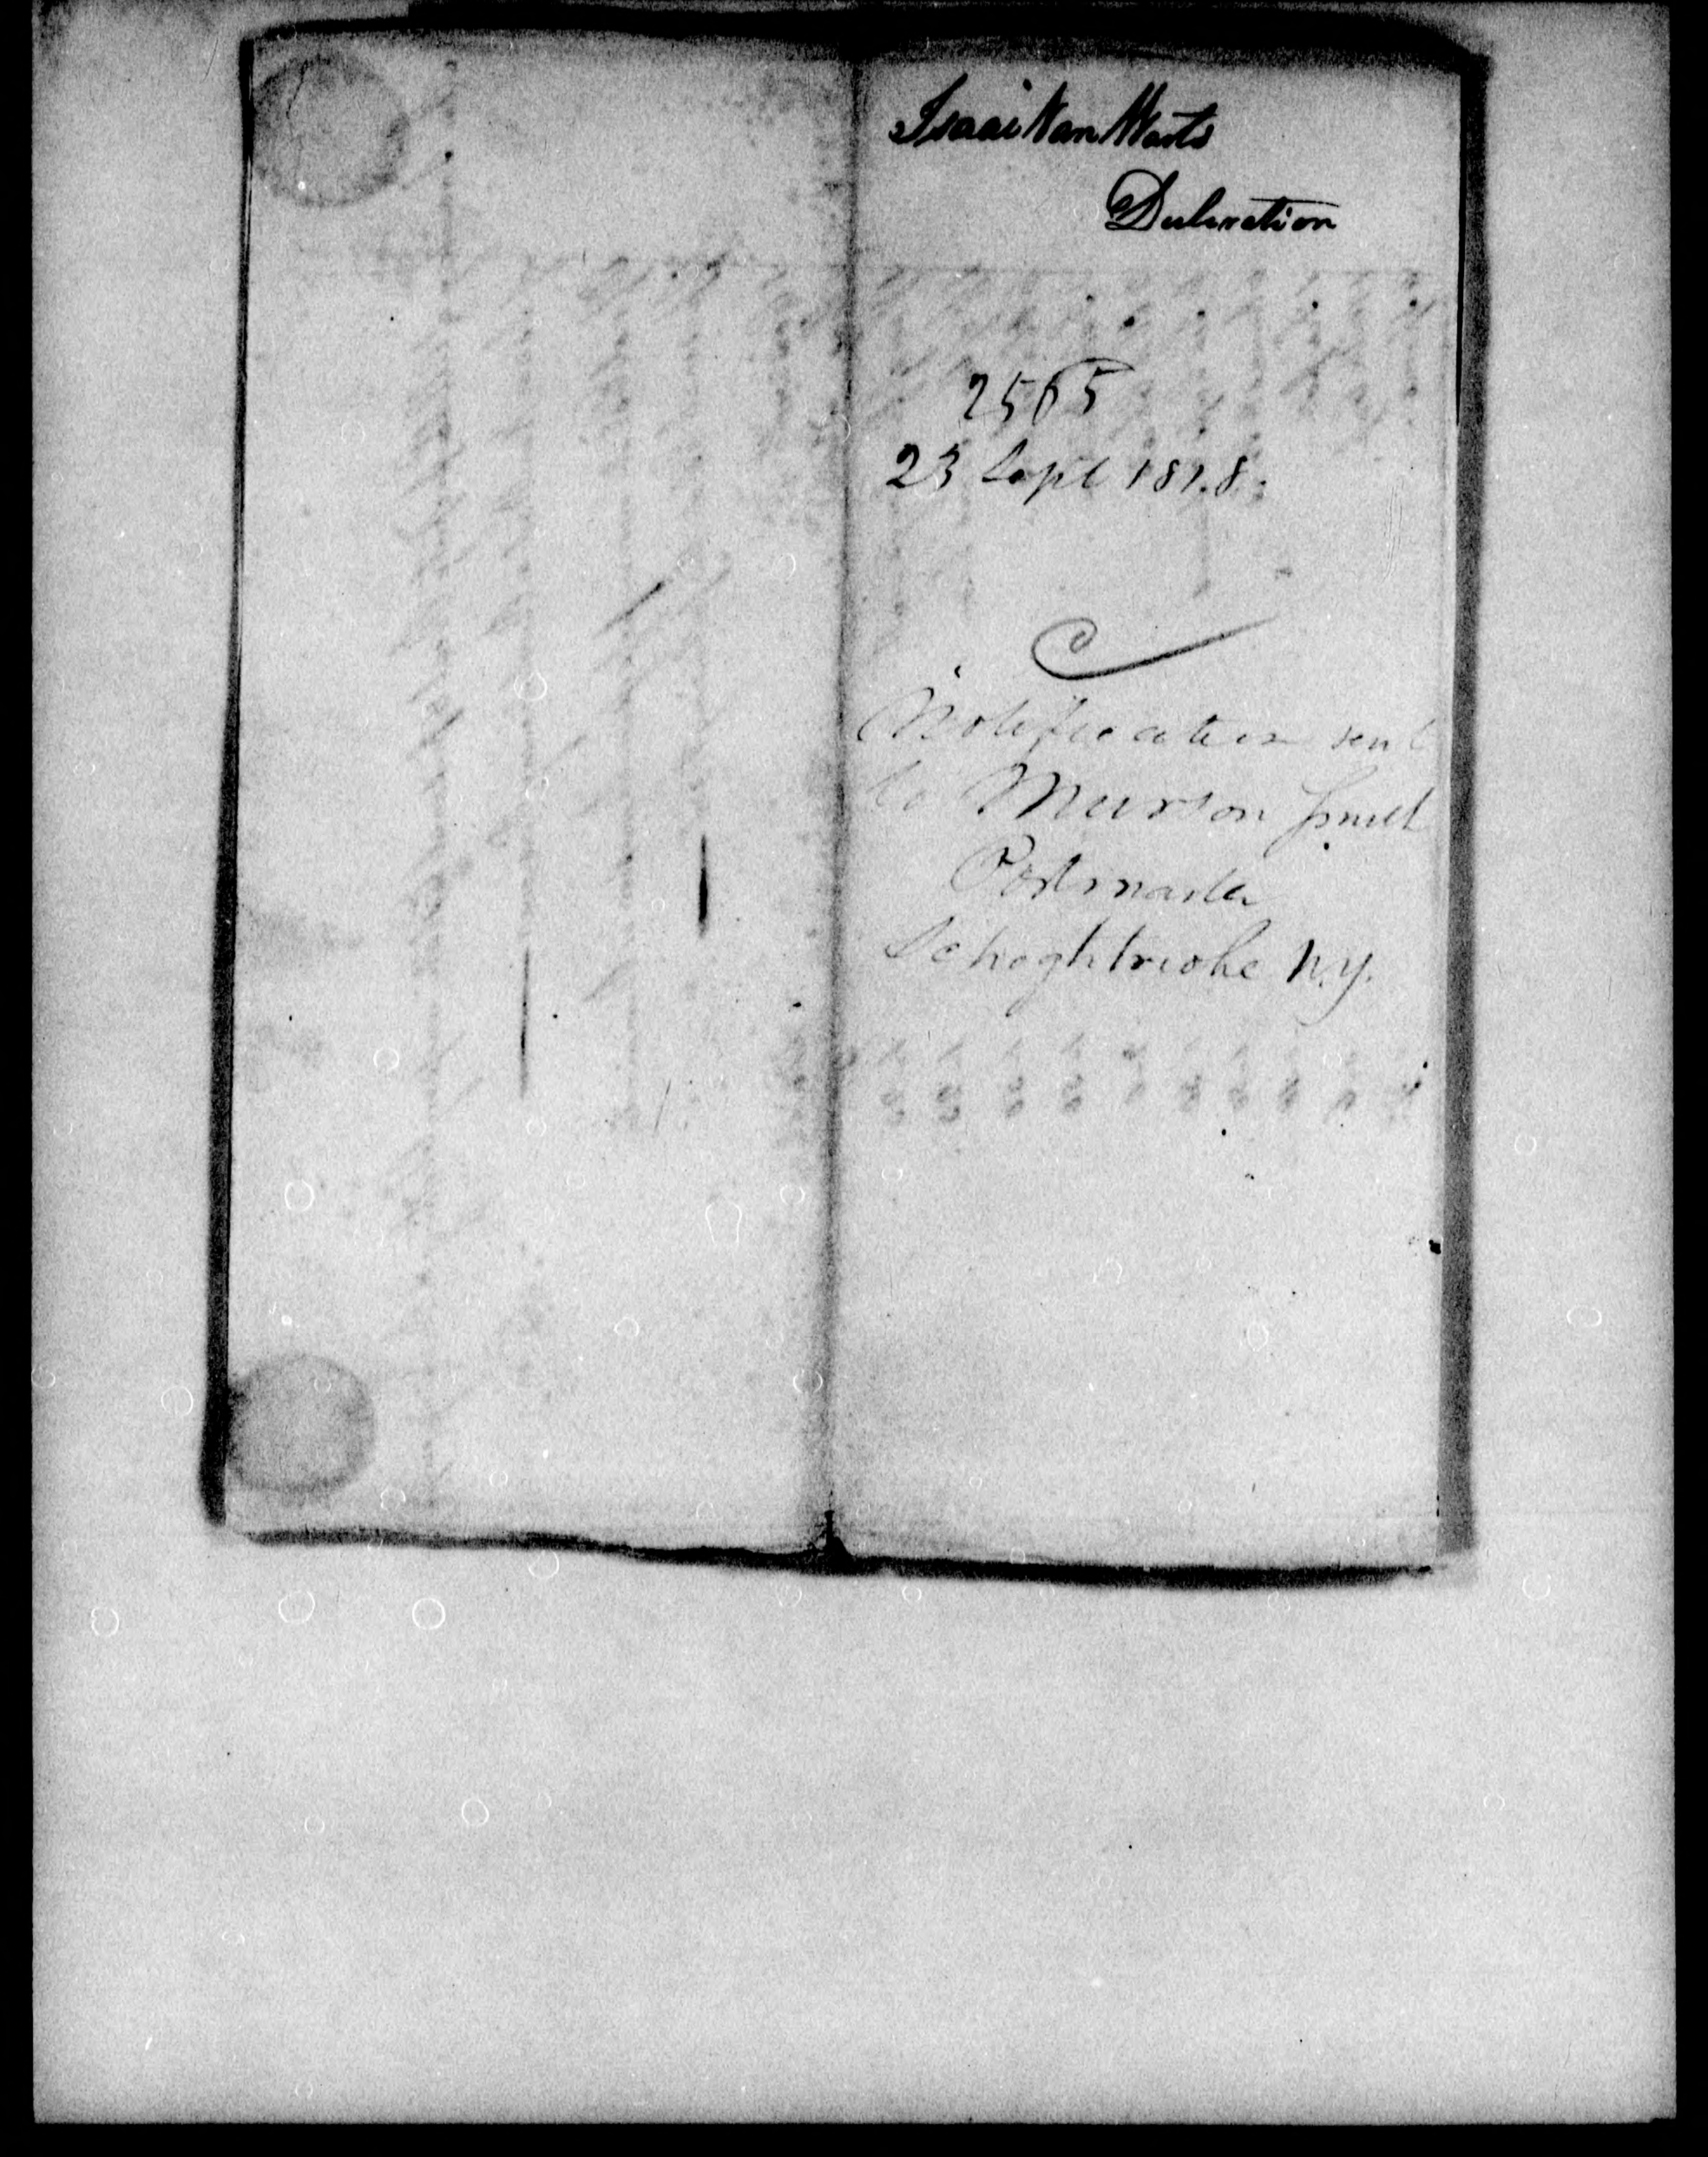Isaac Van Warts Declaration 
2565 
23 Sept 1818 

Notification sent to Murson Smith
Postmaster 
Schaghticoke N.Y.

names: Murson Smith, Isaac Van Warts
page: 84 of 102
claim: widow's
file: W. 18239, Isaac Van Wart, New York